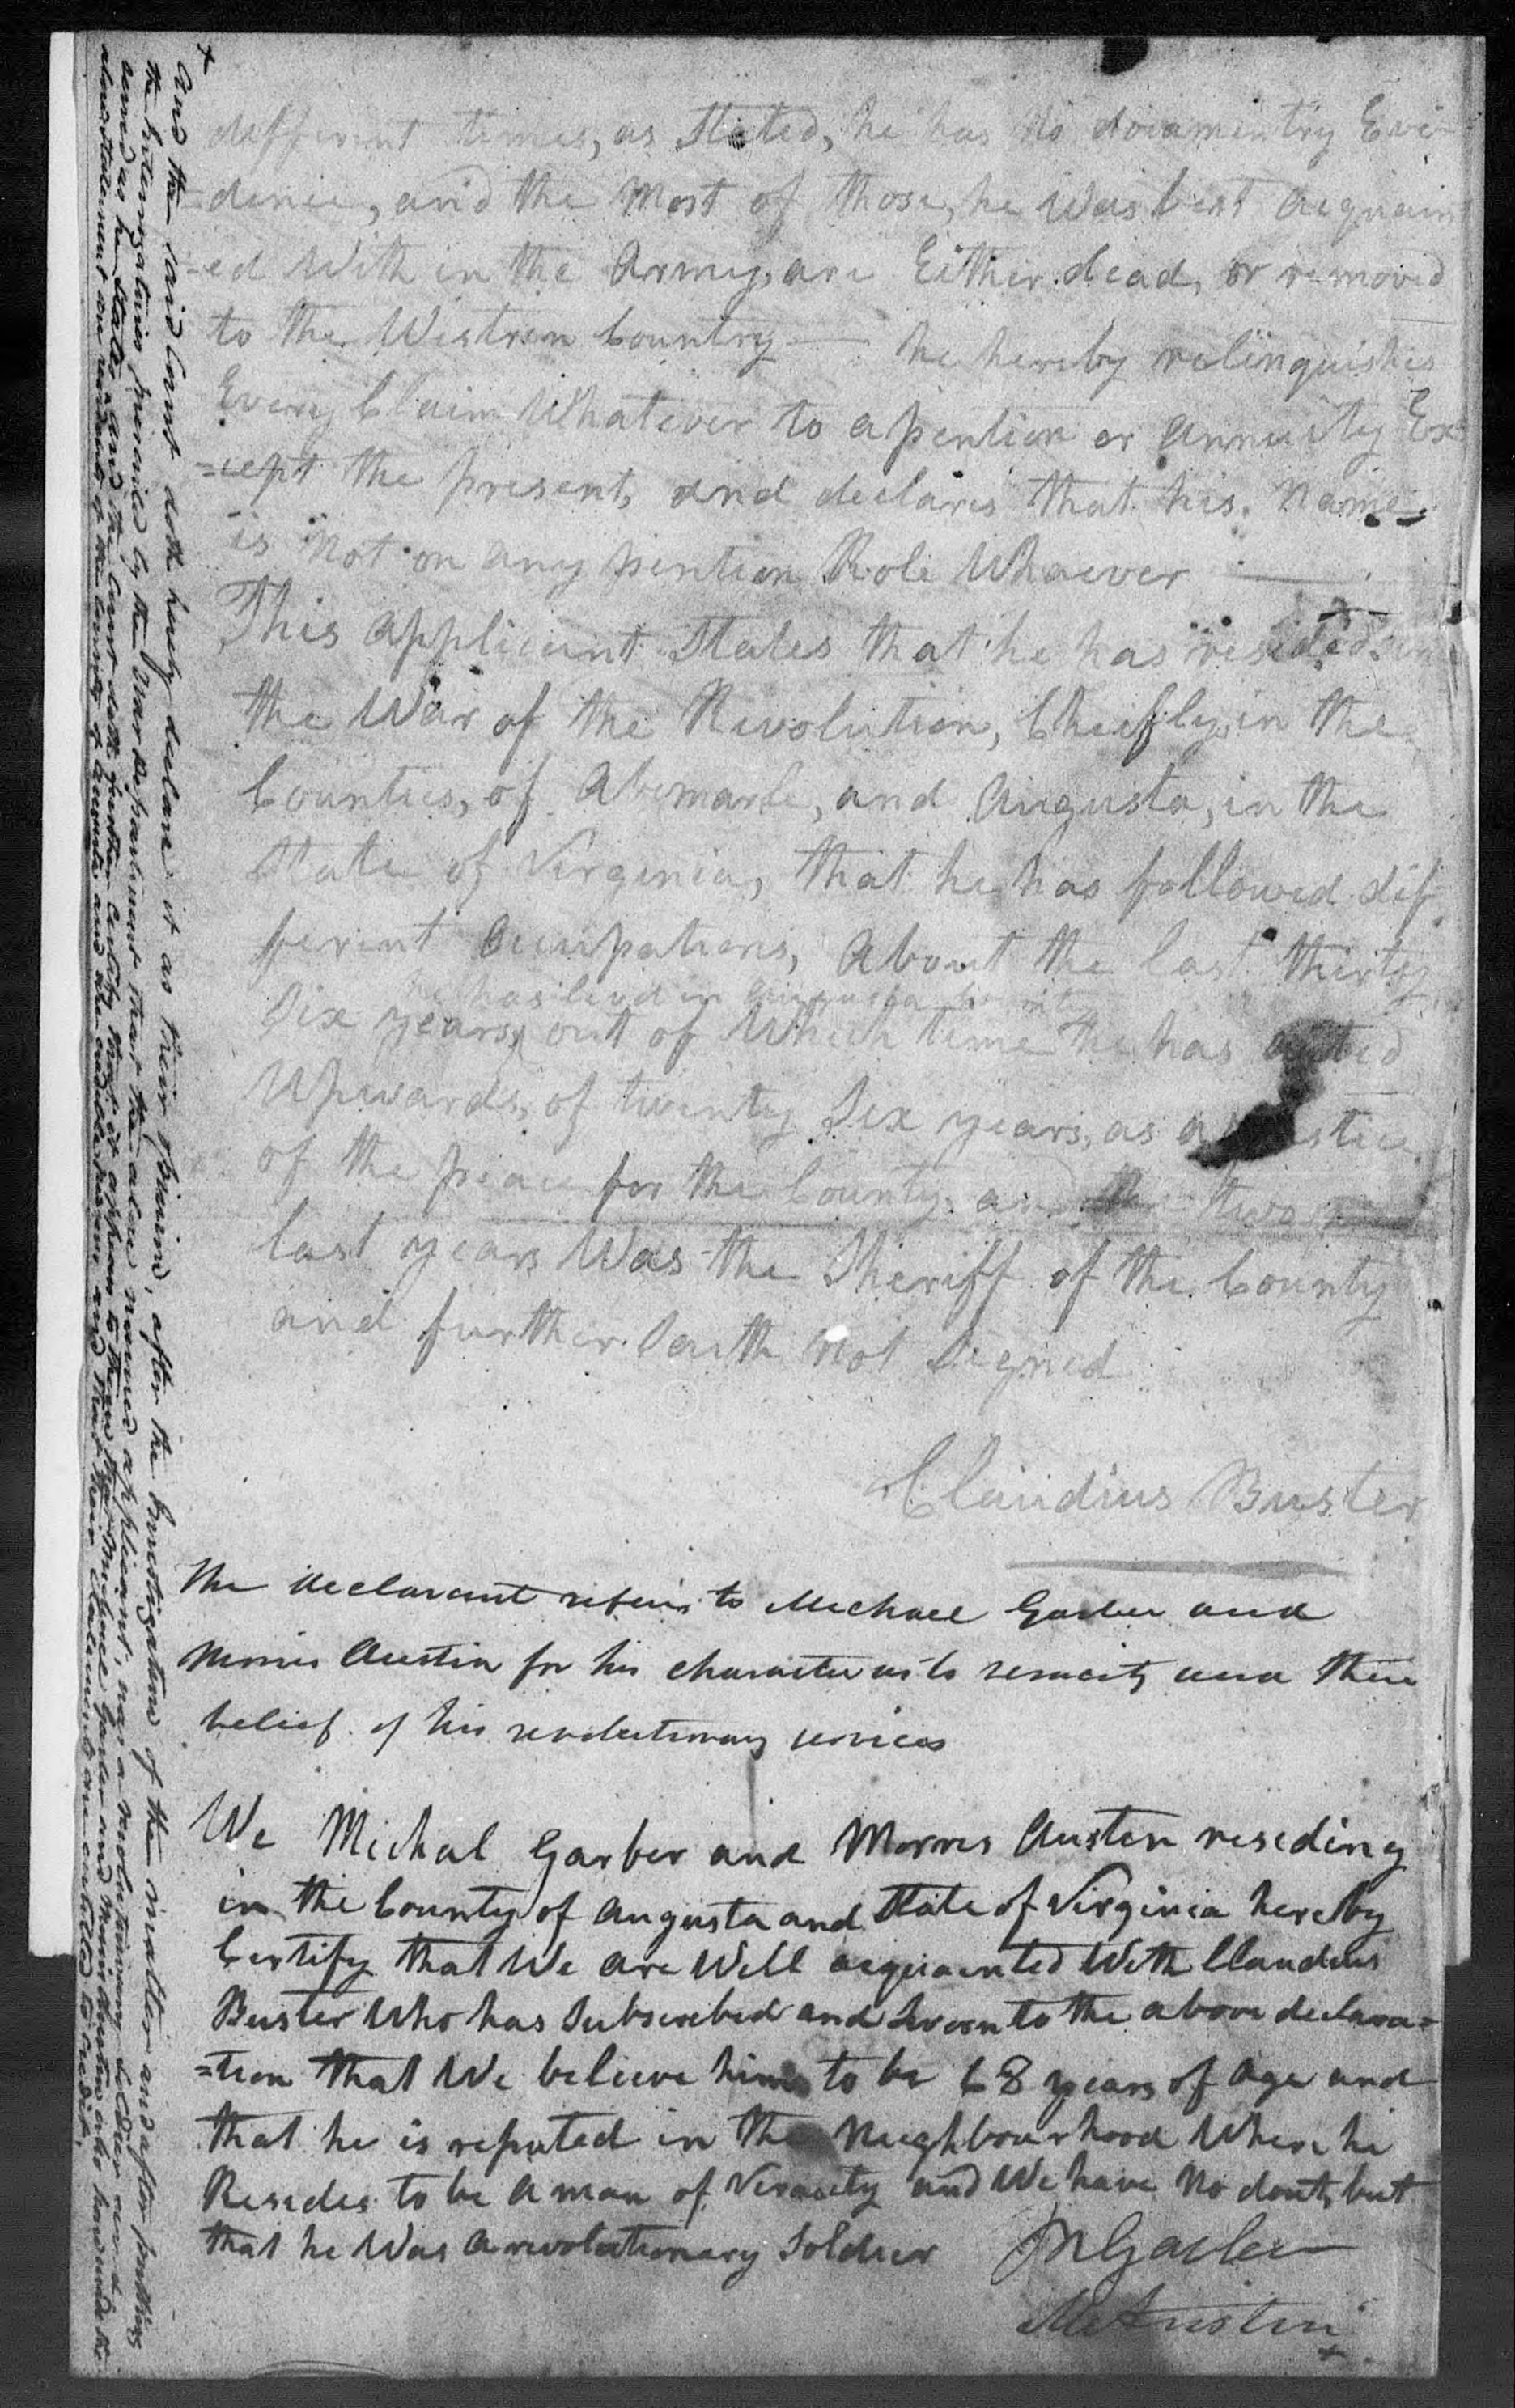different times, as stated, he has no docamintry(sic) evidence, and the most of those, he was [illegible] with in the Army, are either dead, or removed to the Western Country_ he hereby relinquishes every claim whatever to a pention(sic) or annuity except the present, and declares that his name is not on any pention(sic) role(sic) whatever_ This applicant states that he has resided in the War of the Revolution, cheifly(sic) in the counties, of Abemarle(sic), and Augusta, in the state of Virginia, that he has followed different occupations, about the last thirty six years ^he has liv'd in [illegible] county out of which time he has [illegible] upwards, of twenty six years, as a justice of the peace for the County and [illegible] two [illegible] last years was the sheriff of the County and further saith not signed
Claudius Buster

The declarant refers to Michael Garber and Morris Austin for his character as to veracity and their belief of his revolutionary services

We Michael Garber and Morris Austin residing in the County of Augusta and State of Virginia hereby certify that we are well acquainted with Claudius Buster who has subscribed and sworn to the above delcartion that we believe him to be 68 years of age and that he is reputed to be a man of veracity and we have no dout(sic) but that he was a revolutionary soldier
M Garber
M Austin

+ and the said Court doth hereby declare it as their opinion, after the investigation of the matter and after putting the interrogatories prescribed by the War Department that the above named applicant, was a revolutionary soldier and served as he states and the court doth further certify that it appears to them that Michael Garber and Morris Austin who have [illegible] the above statement are residents of the county of Augusta and are credible persons and that their statements are entitled to credit.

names: Morris Austin, M Austin, Michael Garber, Morris Austin, Claudius Buster, M Garber, Michael Garber, Claudius Buster, Michal Garber, Morris Austen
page: 8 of 71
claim: widow's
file: W. 25310, Claudius Buster, Va.